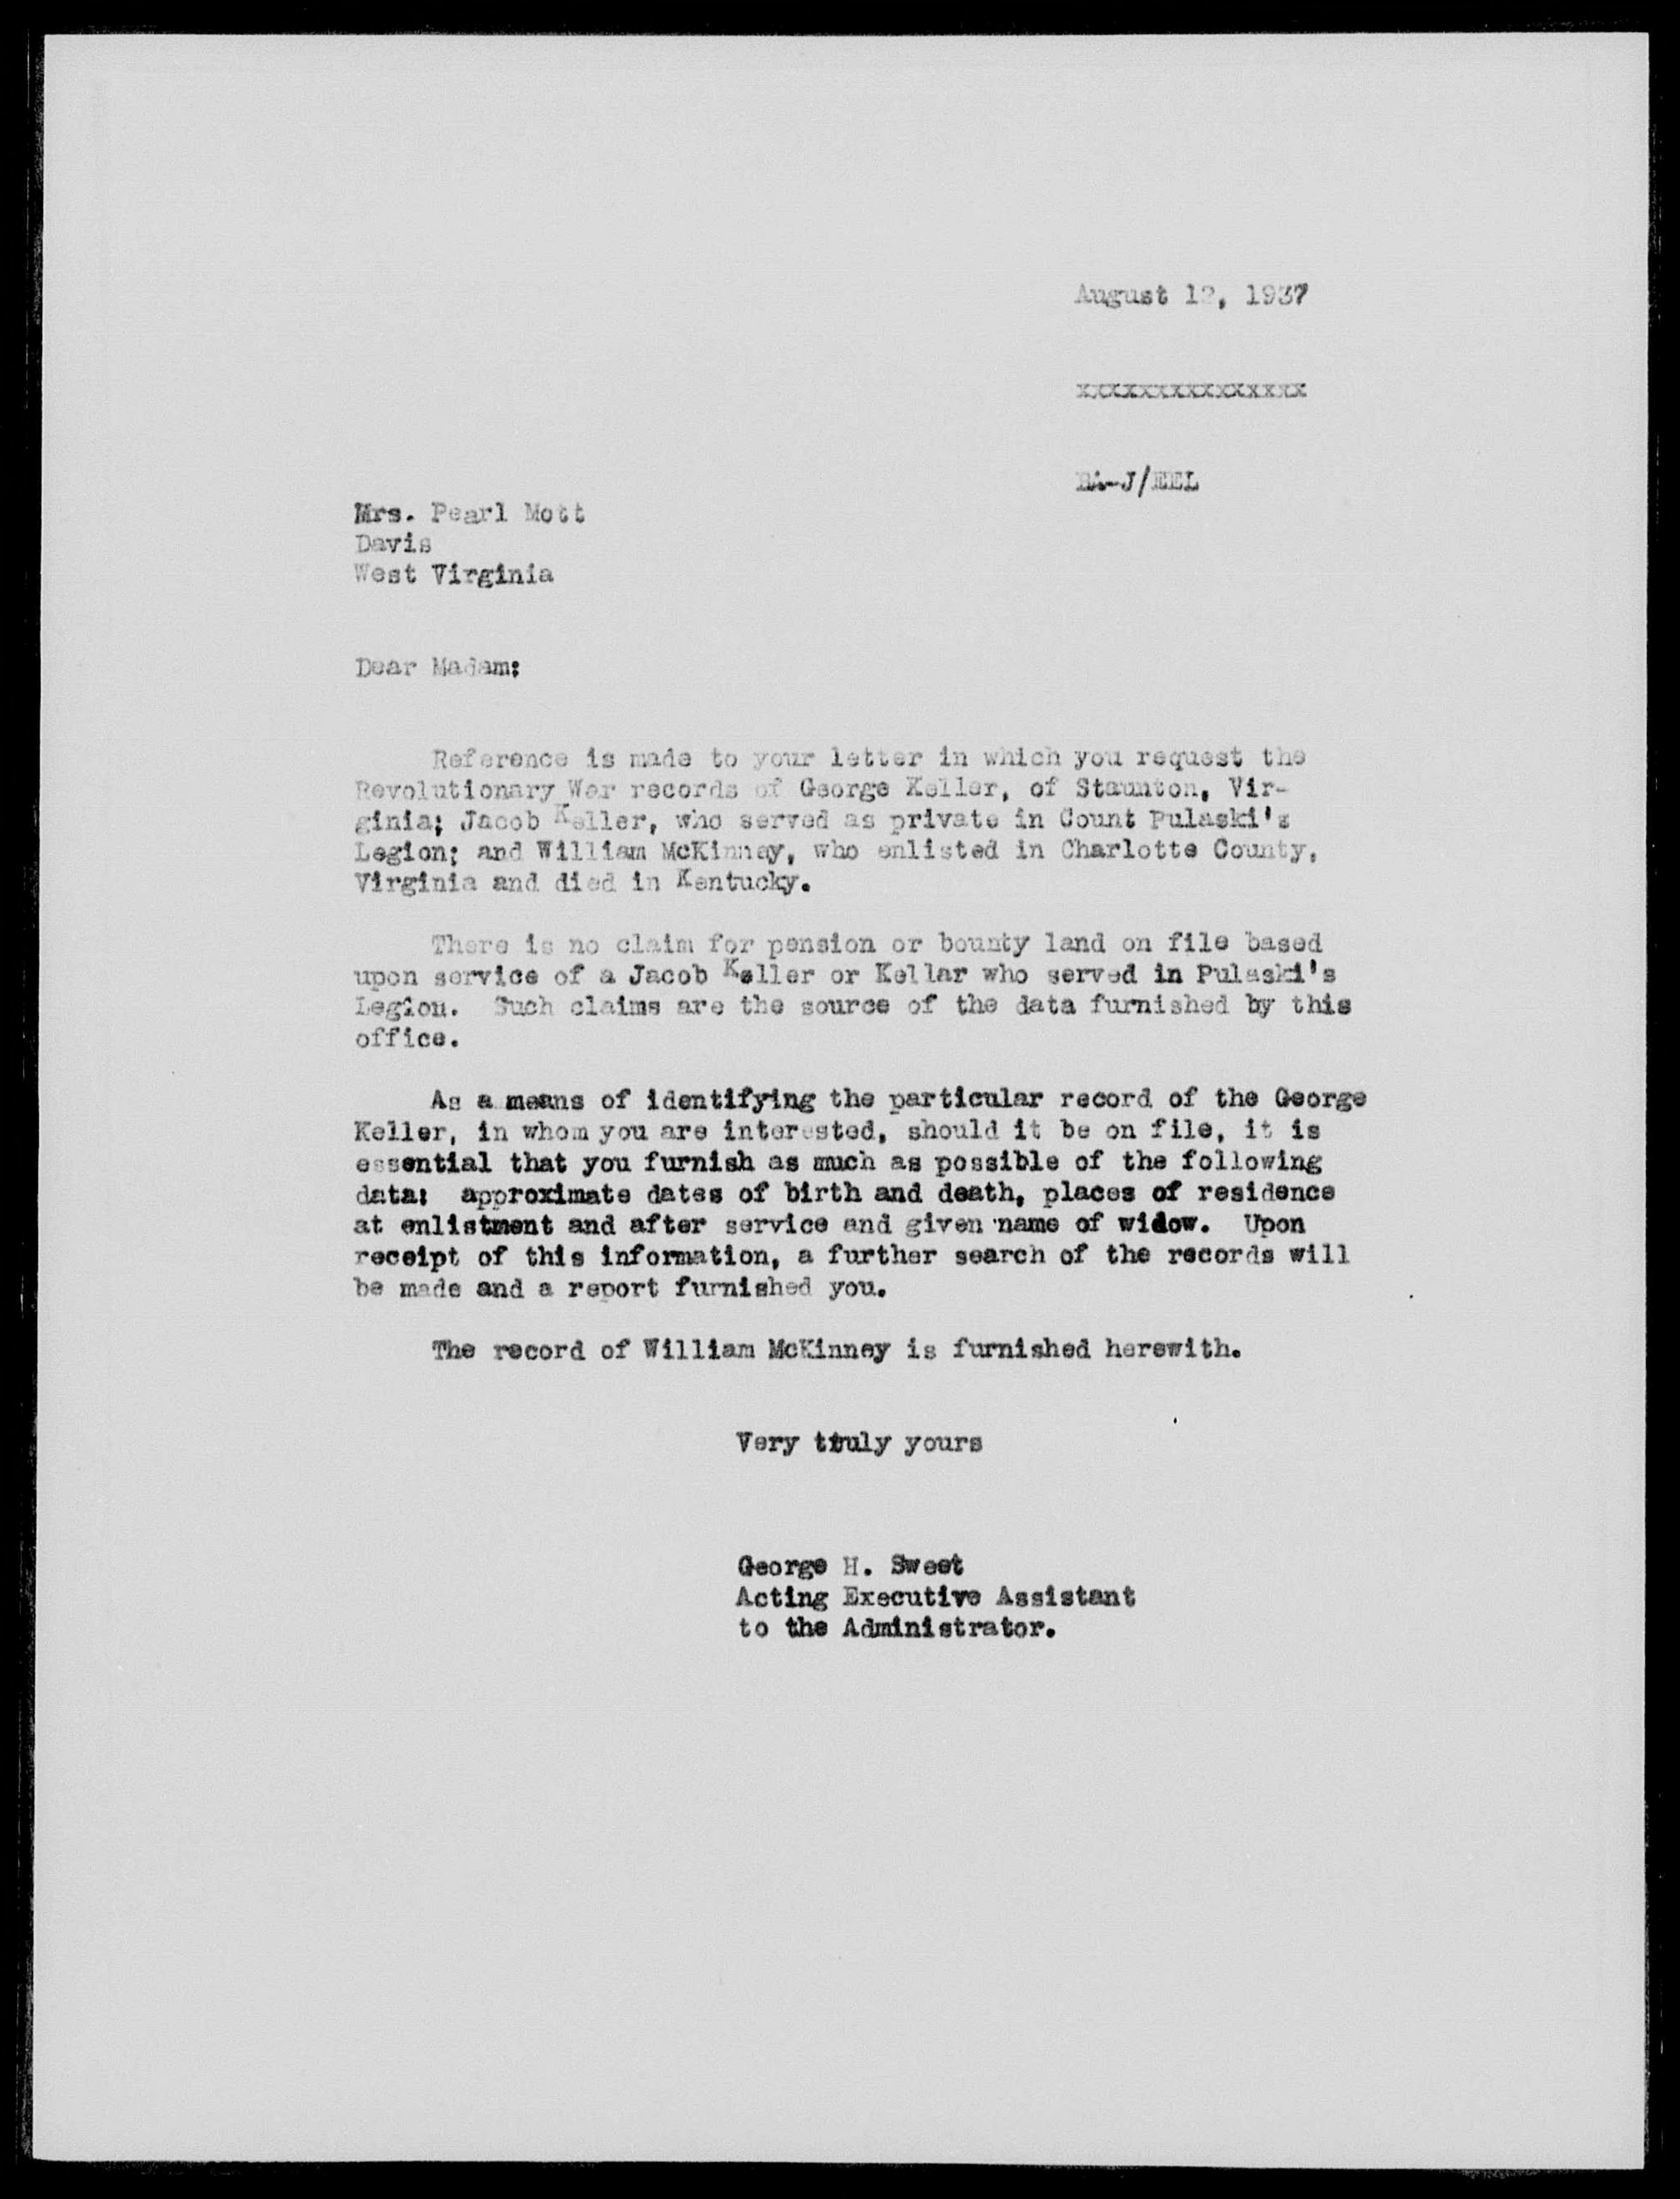August 12, 1937
BA-J/EEL
Mrs. Pearl Mott
Davis
West Virginia

Dear Madam:
Reference is made to your letter in which you request the Revolutionary War records of George Keller, of Staunton, Virginia; Jacob Keller, who served as private in Count Pulaski's Legion; and William McKinney, who enlisted in Charlotte County, Virginia and died in Kentucky.
There is no claim for pension or bounty land on file based upon service of Jacob Keller or Kellar who served in Pulaski's Legion.  Such claims are the source of the data furnished by this office.
As a means of identifying the particular record of the George Keller, in whom are you interested, should it be on file, it is essential that you furnish as much as possible of the following data:  approximate dates of birth and death, places of residence at enlistment and after service and given name of widow.  Upon receipt of this information, a further search of the records will be made and a report furnished you.
The record of William McKinney is furnished herewith.
Very truly yours
George H. Sweet
Acting Executive Assistant
to the Administrator.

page: 22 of 28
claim: survivor's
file: S. 16,470, for William Mc Kinney, Georgia